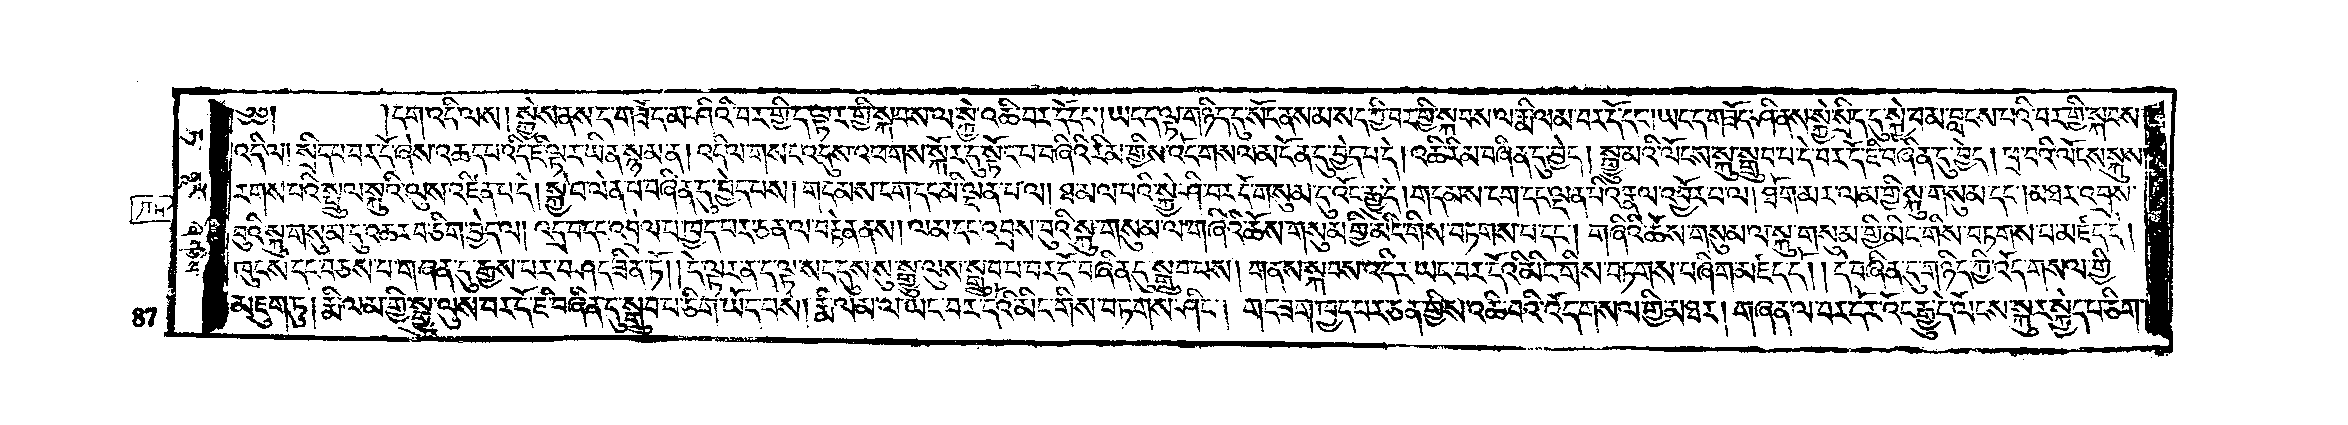༄༅། །ངག་འདི་ལས། སྐྱེས་ནས་ད་གཟོད་མ་ཤིའི་བར་གྱི་ད་ལྟར་གྱི་སྐབས་ལ་སྐྱེ་འཆི་བར་དོ་དང་། ཡང་ད་ལྟ་གཉིད་དུ་སོང་ནས་མ་སད་ཀྱི་བར་གྱི་སྐབས་ལ་རྨི་ལམ་བར་དོ་དང་། ཡང་ད་གཟོད་ཤི་ནས་སྐྱེ་སྲིད་དུ་སྐྱེ་བ་མ་བླངས་པའི་བར་གྱི་སྐབས་
འདི་ལ། སྲིད་པ་བར་དོ་ཞེས་འཆད་པ་འདི་ཇི་ལྟར་ཡིན་སྙམ་ན། འདི་ལ་གསང་འདུས་འཕགས་སྐོར་དུ་སྟོང་པ་བཞིའི་རིམ་གྱིས་འོད་གསལ་མངོན་དུ་བྱེད་པ་དེ། འཆི་རིམ་བཞིན་དུ་བྱེད། སྒྱུ་མའི་ལོངས་སྐུ་སྒྲུབ་པ་དེ་བར་དོ་ཇི་བཞིན་དུ་བྱེད། ཕྲ་བའི་ལོངས་སྐུས་
རགས་པའི་སྤྲུལ་སྐུའི་ལུས་འཛིན་པ་དེ། སྐྱེ་བ་ལེན་པ་བཞིན་དུ་བྱེད་པས། གདམས་ངག་དང་མི་ལྡན་པ་ལ། ཐ་མལ་པའི་སྐྱེ་ཤི་བར་དོ་གསུམ་དུ་འོང་རྒྱུ་དེ། གདམས་ངག་དང་ལྡན་པའི་རྣལ་འབྱོར་པ་ལ། ཐོག་མར་ལམ་གྱི་སྐུ་གསུམ་དང་། མཐར་འབྲས་
བུའི་སྐུ་གསུམ་དུ་འཆར་བ་ཅིག་བྱེད་ལ། འདྲ་བ་དང་འབྲེལ་པ་ཁྱད་པར་ཅན་ལ་བརྟེན་ནས། ལམ་དང་འབྲས་བུའི་སྐུ་གསུམ་ལ་གཞིའི་ཆོས་གསུམ་གྱི་མིང་གིས་བཏགས་པ་དང་། གཞིའི་ཆོས་གསུམ་ལ་སྐུ་གསུམ་གྱི་མིང་གིས་བཏགས་པ་མཛད་དེ།
ཁུངས་དང་བཅས་པ་གཞན་དུ་རྒྱས་པར་བཤད་ཟིན་ཏོ། །དེ་ལྟར་ན་ད་ལྟ་སད་དུས་སུ་སྒྱུ་ལུས་སྒྲུབ་པ་བར་དོ་བཞིན་དུ་སྒྲུབ་པས། གནས་སྐབས་འདིར་ཡང་བར་དོའི་མིང་གིས་བཏགས་པ་ཞིག་མཛད་དོ། །དེ་བཞིན་དུ་གཉིད་ཀྱི་འོད་གསལ་གྱི་
མཇུག་ཏུ། རྨི་ལམ་གྱི་སྒྱུ་ལུས་བར་དོ་ཇི་བཞིན་དུ་སྒྲུབ་པ་ཅིག་ཡོད་པས། རྨི་ལམ་ལ་ཡང་བར་དོའི་མིང་གིས་བཏགས་ཤིང་། གང་ཟག་ཁྱད་པར་ཅན་གྱིས་འཆི་བའི་འོད་གསལ་གྱི་མཐར། གཞན་ལ་བར་དོར་འོང་རྒྱུ་དེ་ལོངས་སྐུར་སྐྱེད་པ་ཅིག་